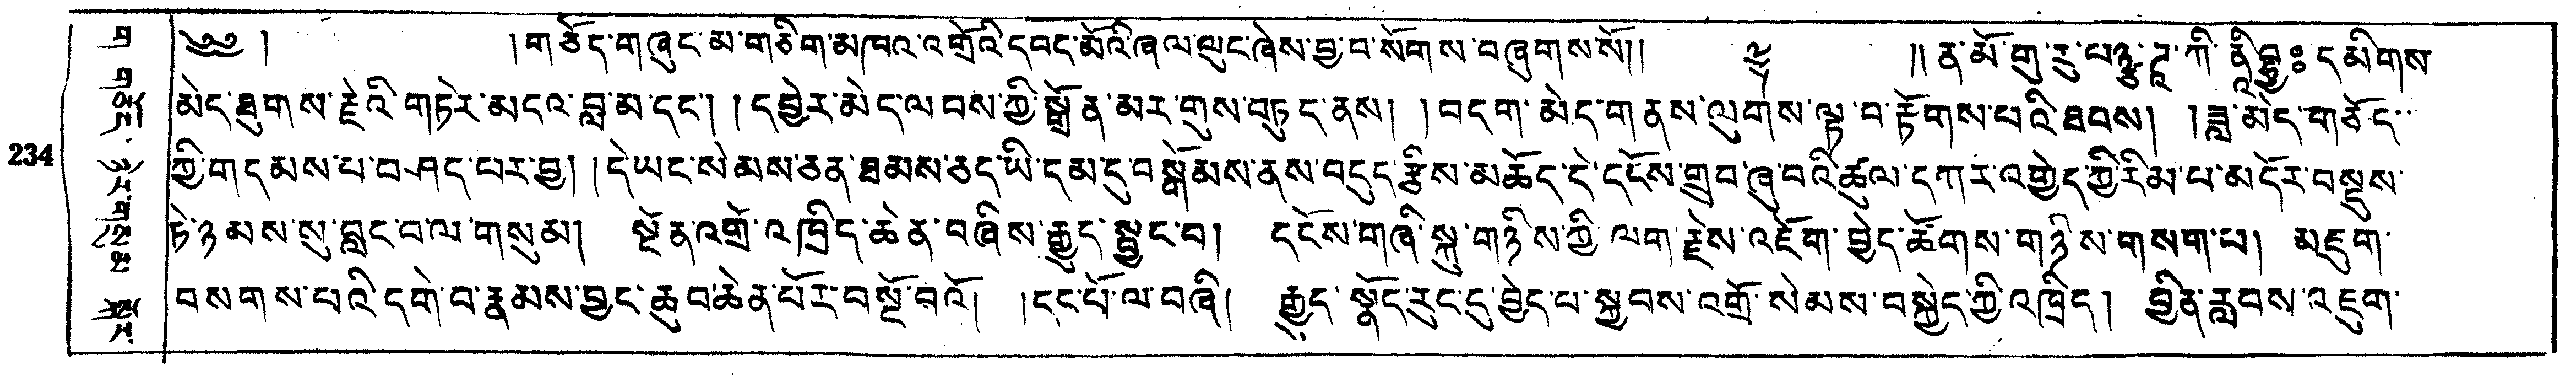༄༅། །གཅོད་གཞུང་མ་གཅིག་མཁའ་འགྲོའི་དབང་མོའི་ཞལ་ལུང་ཞེས་བྱ་བ་སོགས་བཞུགས་སོ།། ༈ །།ན་མོ་གུ་རུ་པཉྩ་ཌཱ་གི་ནི་བྷྱཿ དམིགས་
མེད་ཐུགས་རྗེའི་གཏེར་མངའ་བླ་མ་དང་། །དབྱེར་མེད་ལབས་ཀྱི་སྒྲོན་མར་གུས་བཏུད་ནས། །བདག་མེད་གནས་ལུགས་ལྟ་བ་རྟོགས་པའི་ཐབས། །ཟླ་མེད་གཅོད་
ཀྱི་གདམས་པ་བཤད་པར་བྱ། །དེ་ཡང་སེམས་ཅན་ཐམས་ཅད་ཡི་དམ་དུ་བསྒོམས་ནས་བདུད་རྩིས་མཆོད་དེ་དངོས་གྲུབ་ཞུ་བའི་ཚུལ་དཀར་འགྱེད་ཀྱི་རིམ་པ་མདོར་བསྡུས་
ཏེ་ཉམས་སུ་བླང་བ་ལ་གསུམ། སྔོན་འགྲོ་འཁྲིད་ཆེན་བཞིས་རྒྱུད་སྦྱང་བ། དངོས་གཞི་སྐུ་གཉིས་ཀྱི་ལག་རྗེས་འཇོག་བྱེད་ཚོགས་གཉིས་གསག་པ། མཇུག་
བསགས་པའི་དགེ་བ་རྣམས་བྱང་ཆུབ་ཆེན་པོར་བསྔོ་བའོ། །དང་པོ་ལ་བཞི། རྒྱུད་སྣོད་རུང་དུ་བྱེད་པ་སྐྱབས་འགྲོ་སེམས་བསྐྱེད་ཀྱི་འཁྲིད། བྱིན་རླབས་འཇུག་